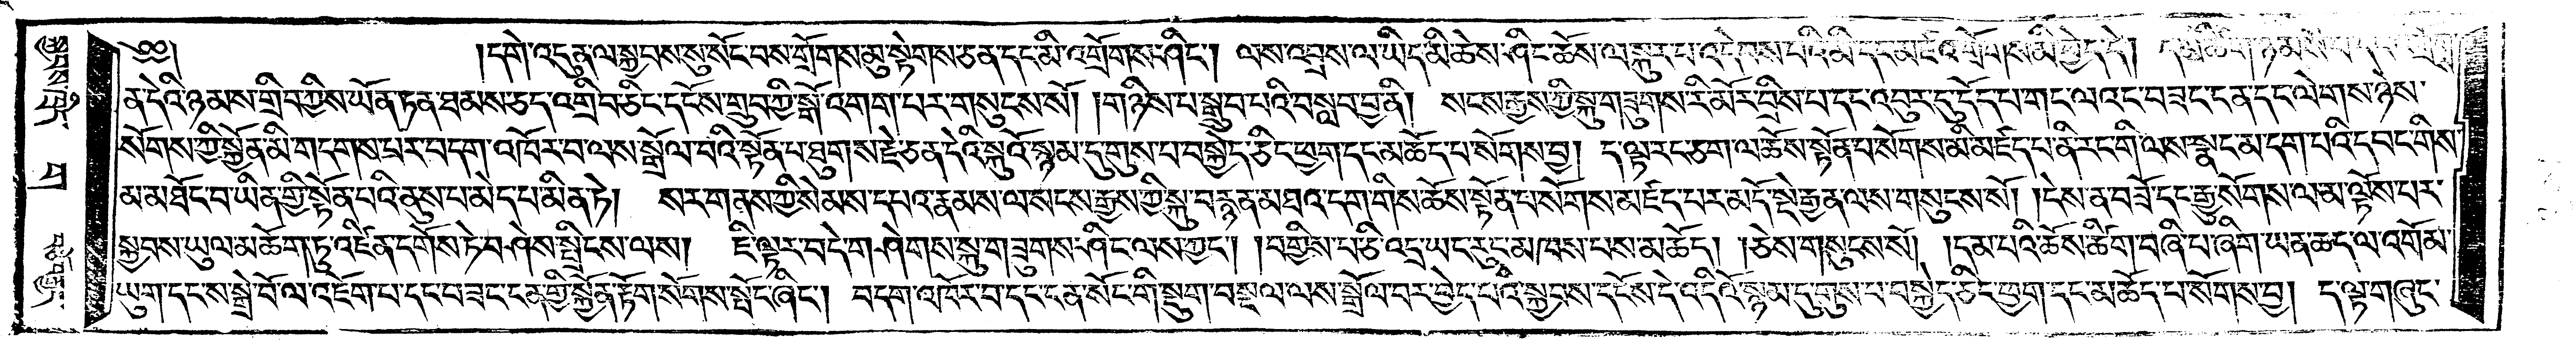༄༅། །དགེ་འདུན་ལ་སྐྱབས་སུ་སོང་བས་གྲོགས་མུ་སྟེགས་ཅན་དང་མི་འགྲོགས་ཤིང་། ལས་འབྲས་ལ་ཡིད་མི་ཆེས་ཤིང་ཆོས་ལ་སྐུར་པ་འདེབས་པའི་མི་དང་མཛའ་གྲོགས་མི་བྱེད་དེ། དམ་ཚིག་ཉམས་པ་དང་འགྲོག་
ན་དེའི་ཉམས་གྲིབ་ཀྱིས་ཡོན་ཏན་ཐམས་ཅད་འགྲིབ་ཅིང་དངོས་གྲུབ་ཀྱི་སྒོ་འགག་པར་གསུངས་སོ། །གཉིས་པ་སྒྲུབ་པའི་བསླབ་བྱ་ནི། སངས་རྒྱས་ཀྱི་སྐུ་གཟུགས་རི་མོར་གྲིས་པ་དང་འབུར་དུ་དོད་པ་གང་ལའང་བཟད་ངན་དང་ལེགས་ཉེས་
སོགས་ཀྱི་སྐྱོན་མི་གདགས་པར་བདག་འཁོར་བ་ལས་སྒྲོལ་བའི་སྟོན་པ་ཐུགས་རྗེ་ཅན་དེའི་སྐུའོ་སྙམ་དུ་གུས་པ་བསྐྱེད་ཅིང་ཕྱག་དང་མཆོད་པ་སོགས་བྱ། ད་ལྟ་རང་ཅག་ལ་ཆོས་སྟོན་པ་སོགས་མི་མཛད་པ་ནི་རང་གི་ལས་སྣང་མ་དག་པའི་དབང་གིས་
མ་མཐོང་བ་ཡིན་གྱི་སྟོན་བའི་ནུས་པ་མེད་པ་མིན་ཏེ། སར་གནས་ཀྱི་སེམས་དཔའ་རྣམས་ལ་སངས་རྒྱས་ཀྱི་སྐུ་བརྙན་མཐའ་དག་གིས་ཆོས་སྟོན་པ་སོགས་མཛད་པར་མདོ་སྡེ་རྒྱན་ལས་གསུངས་སོ། །དེས་ན་བཟོ་དང་རྒྱུ་སོགས་ལ་མ་ལྟོས་པར་
སྐྱབས་ཡུལ་མཆོག་ཏུ་འཛིན་དགོས་ཏེ་བཤེས་སྦྲིངས་ལས། ཇི་ལྟར་བདེ་གཤེགས་སྐུ་གཟུགས་ཤིང་ལས་ཀྱང་། །བགྱིས་པ་ཅི་འདྲ་ཡང་རུང་མཁས་པས་མཆོད། །ཅེས་གསུངས་སོ། །དམ་པའི་ཆོས་ཚིག་བཞི་པ་ཞིག་ཡན་ཆད་ལ་འགོམ་
ཡུག་དང་ས་སྒྲེ་བོ་ལ་འཇོག་པ་དང་བཟང་ངན་གྱི་སྐྱོན་རྟོག་སོགས་སྤོང་ཞིང་། བདག་འཁོར་བ་དང་ངན་སོང་གི་སྡུག་བསྔལ་ལས་སྒྲོལ་བར་བྱེད་པའི་སྐྱབས་དངོས་དེ་འདིའོ་སྙམ་དུ་གུས་པ་བསྐྱེད་ཅིང་ཕྱག་དང་མཆོད་པ་སོགས་བྱ། ད་ལྟ་གཞུང་